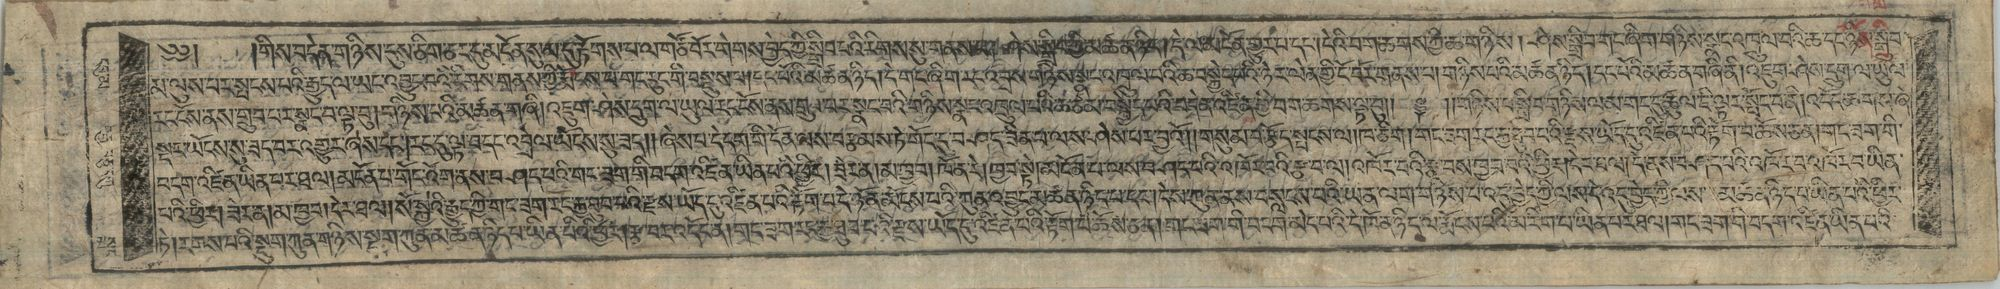༄༅། །གིས་བདེན་གཉིས་དུས་ཅིག་ཅར་དུ་མངོན་སུམ་དུ་རྟོགས་པ་ལ་གཙོ་བོར་གེགས་བྱེད་ཀྱི་སྒྲིབ་པའི་རིགས་སུ་གནས་པ། ཤེས་སྒྲིབ་ཀྱི་མཚན་ཉིད། དེ་ལ་མངོན་གྱུར་པ་དང་། དེའི་བག་ཆགས་ཀྱི་ཆ་གཉིས། ཤེས་སྒྲིབ་གང་ཞིག་གཉིས་སྣང་འཁྲུལ་བའི་ཆ་དང་ཉོན་སྒྲིབ་
མ་ལུས་པར་སྤངས་པའི་རྒྱུད་ལ་ཡང་འབྱུང་བའི་རིགས་གནས་ཀྱི་རྨོངས་པ་གང་རུང་གི་བསྡུས་པ། དང་པོའི་མཚན་ཉིད། དེ་གང་ཞིག་རང་འབྲས་གཉིས་སྣང་འཁྲུལ་པའི་ཆ་བསྐྱེད་པའི་ཉེར་ལེན་གྱི་ངོ་བོར་གནས་པ། གཉིས་པའི་མཚན་ཉིད། དང་པོའི་མཚན་གཞི་ནི། འཇུག་ཤེས་དྲུག་ལ་ཡུལ་
རང་ངོས་ནས་གྲུབ་པར་སྣང་བ་ལྟ་བུ། གཉིས་པའི་མཚན་གཞི། འཇུག་ཤེས་དྲུག་ལ་ཡུལ་རང་ངོས་ནས་གྲུབ་པར་སྣང་བའི་གཉིས་སྣང་འཁྲུལ་པའི་ཆ་ཙམ་བསྐྱེད་པའི་བདེན་འཛིན་གྱི་བག་ཆགས་ལྟ་བུ།། ༈ །།གཉིས་པ་སྒྲིབ་གཉིས་ལམ་གང་དུ་ཚུལ་ཇི་ལྟར་སྤོང་བ་ནི། འདོད་ཆགས་ཞེ་
སྡང་ཡོངས་སུ་ཟད་བར་འགྱུར་ཞེས་དང་། རང་དུ་ལྟ་བ་དང་འབྲེལ་ཡོངས་སུ་ཟད། །ཞེས་པ་དེ་དག་གི་དོན་ལས་བརྩམས་ཏེ་གོང་དུ་བཤད་ཟིན་པ་ལས་ཤེས་པར་བྱའོ། །གསུམ་པ་རྩོད་སྤངས་ལ། ཁ་ཅིག །གང་ཟག་རང་རྐྱ་ཐུབ་པའི་རྫས་ཡོད་དུ་འཛིན་པའི་རྟོག་པ་ཆོས་ཅན། གང་ཟག་གི་
བདག་འཛིན་ཡིན་པར་ཐལ། མངོན་པ་གོང་འོག་ནས་བཤད་པའི་གང་ཟག་གི་བདག་འཛིན་ཡིན་པའི་ཕྱིར། ཟེར་ན། མ་ཁྱབ། ཁོ་ན་རེ། ཁྱབ་སྟེ། མངོན་པ་ལས་བཤད་པའི་འཁོར་བའི་རྩ་བ་ལ། འཁོར་བའི་རྩ་བས་ཁྱབ་པའི་ཕྱིར། དེར་ཐལ། དེ་ནས་བཤད་པའི་འཁོར་བ་འཁོར་བ་ཡིན་
པའི་ཕྱིར། ཟེར་ན། མ་ཁྱབ། དེར་ཐལ། སོ་སྐྱེའི་རྒྱུད་ཀྱི་གང་ཟག་རང་རྐྱ་ཐུབ་པའི་རྫས་ཡོད་དུ་འཛིན་པའི་རྟོག་པ་དེ་ཉོན་མོངས་བའི་ཀུན་འབྱུང་མཚན་ཉིད་པ་དང་། དེས་ཀུན་ནས་བསླངས་པའི་ཡན་ལག་གཉིས་པ་འདུ་བྱེད་ཀྱི་ལས་དེ་འདུ་བྱེད་ཀྱི་ལས་མཚན་ཉིད་པ་ཡིན་པའི་ཕྱིར་
ཏེ། རགས་པའི་སྡུག་ཀུན་གཉིས་སྡུག་ཀུན་མཚན་ཉིད་པ་ཡིན་པའི་ཕྱིར། རྩ་བར་འདོད་ན། གང་ཟག་རང་རྐྱ་ཐུབ་པའི་རྫས་ཡོད་དུ་འཛིན་པའི་རྟོག་པ་ཆོས་ཅན། གང་ཟག་གི་བདག་མེད་པའི་དེ་ཁོ་ན་ཉིད་ལ་རྨོངས་པའི་མ་རིག་པ་ཡིན་པར་ཐལ། གང་ཟག་གི་བདག་འཛིན་ཡིན་པའི་